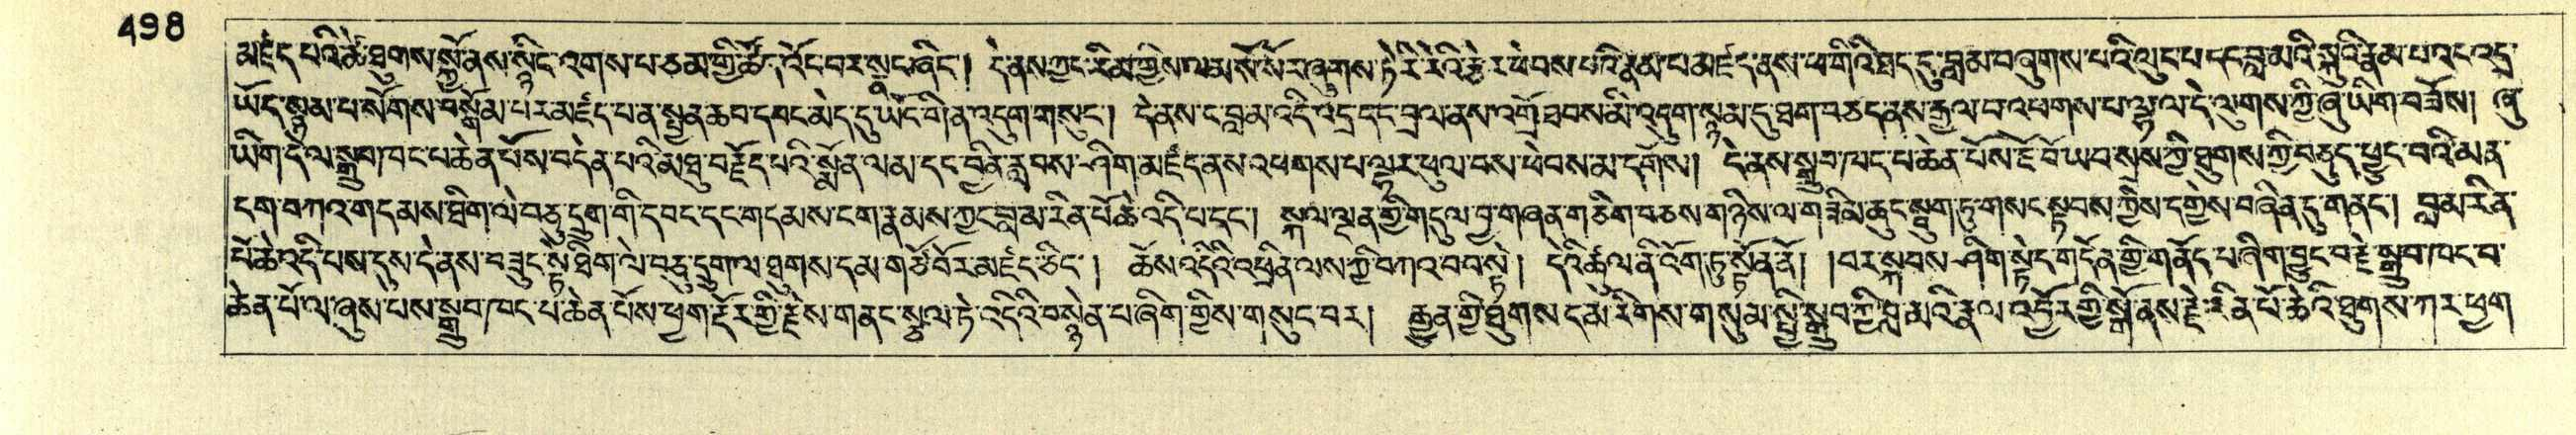མཛད་པའི་ཚེ་ཐུགས་སྐྱོ་ནས་སྙིང་འགས་པ་ཅམ་གྱི་ཚོད་འོང་བར་སྣང་ཞིང་། དེ་ནས་ཀྱང་རིམ་གྱིས་ལམ་སོ་སོར་ཞུགས་ཏེ་རི་རེའི་རྩེར་ཕེབས་པའི་རྣམ་པ་མཛད་ནས་ཕ་གིའི་ཐད་དུ་བླ་མ་བཞུགས་པའི་ལུང་པ་དང་བླ་མའི་སྐུའི་རྣམ་པའང་འདྲ་
ཡོད་སྙམ་པ་སོགས་བསྒོམ་པར་མཛད་པ་ན་སྤྱན་ཆབ་དབང་མེད་དུ་ཡོང་གི་ན་འདུག་གསུང་། དེ་ནས་ང་བླ་མ་འདི་འདྲ་དང་བྲལ་ནས་འགྲོ་ཐབས་མི་འདུག་སྙམ་དུ་ཐག་བཅད་ནས་རྒྱལ་བ་འཕགས་པ་ལྷ་ལ་དེ་ལུགས་ཀྱི་ཞུ་ཡིག་བཟོས། ཞུ་
ཡིག་དེ་ལ་སྒྲུབ་ཁང་པ་ཆེན་པོས་བདེན་པའི་མཐུ་བརྗོད་པའི་སྨོན་ལམ་དང་བྱིན་རླབས་ཤིག་མཛད་ནས་འཕགས་པ་ལྷར་ཕུལ་བས་ཕེབས་མ་དགོས། དེ་ནས་སྒྲུབ་ཁང་པ་ཆེན་པོས་ཇོ་བོ་ཡབ་སྲས་ཀྱི་ཐུགས་ཀྱི་བཅུད་ཕྱུང་བའི་མན་
ངག་བཀའ་གདམས་ཐིག་ལེ་བཅུ་དྲུག་གི་དབང་དང་གདམས་ངག་རྣམས་ཀྱང་བླ་མ་རིན་པོ་ཆེ་འདི་པ་དང་། སྐལ་ལྡན་གྱི་གདུལ་བྱ་གཞན་གཅིག་བཅས་གཉིས་ལ་གཟིམ་ཆུང་སྦུག་ཏུ་གསང་སྟབས་ཀྱིས་དགྱེས་བཞིན་དུ་གནང་། བླ་མ་རིན་
པོ་ཆེ་འདི་པས་དུས་དེ་ནས་བཟུང་སྟེ་ཐིག་ལེ་བཅུ་དྲུག་ལ་ཐུགས་དམ་གཙོ་བོར་མཛད་ཅིང་། ཆོས་འདིའི་འཕྲིན་ལས་ཀྱི་བཀའ་བབ་སྟེ། དེའི་ཚུལ་ནི་འོག་ཏུ་སྟོན་ནོ། །བར་སྐབས་ཤིག་སྟེང་གདོན་གྱི་གནོད་པ་ཞིག་བྱུང་བ་རྗེ་སྒྲུབ་ཁང་བ་
ཆེན་པོ་ལ་ཞུས་པས་སྒྲུབ་ཁང་པ་ཆེན་པོས་ཕྱག་རྡོར་གྱི་རྗེས་གནང་སྩལ་ཏེ་འདིའི་བསྙེན་པ་ཞིག་གྱིས་གསུང་བར། རྒྱུན་གྱི་ཐུགས་དམ་རིགས་གསུམ་སྤྱི་སྒྲུབ་ཀྱི་བླ་མའི་རྣལ་འབྱོར་གྱི་སྒོ་ནས་རྗེ་རིན་པོ་ཆེའི་ཐུགས་ཀར་ཕྱག་